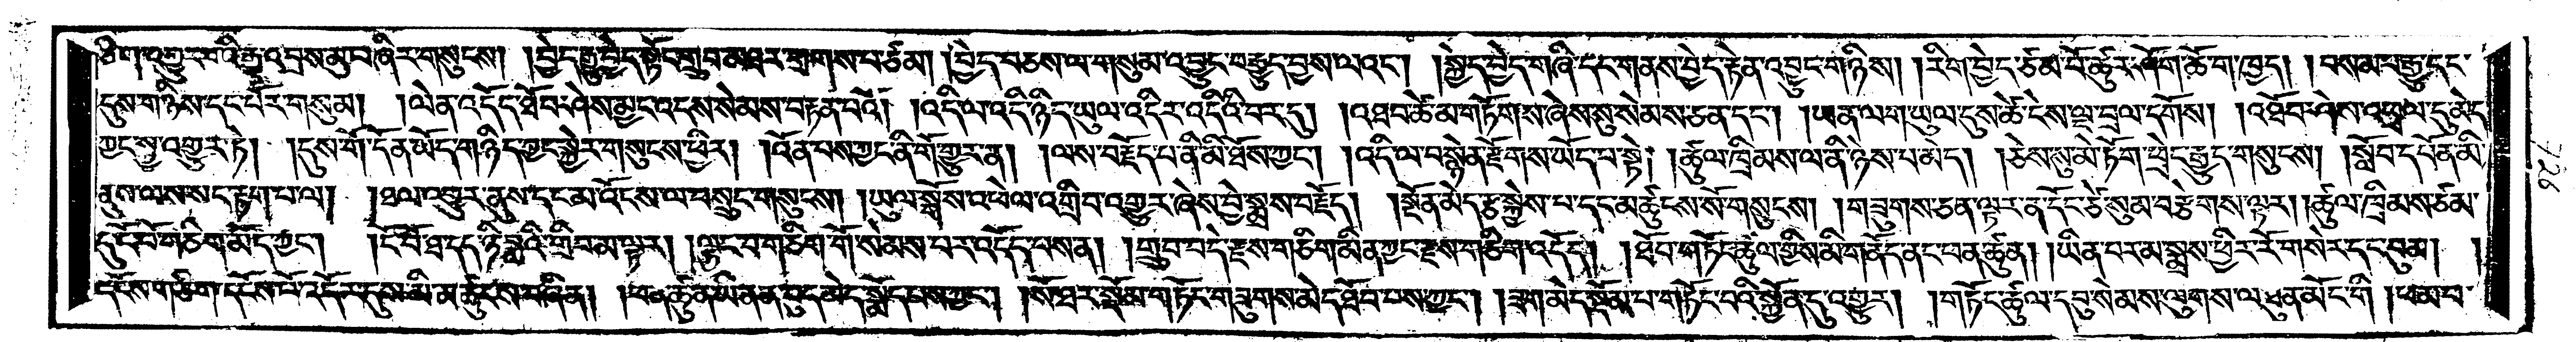ཅིག་འབྱུང་བའི་རྒྱུ་འབྲས་མུ་བཞིར་གསུངས། །བྱེད་རྒྱུ་བྱེད་སྟོང་གྲུབ་མཐར་གྲགས་པ་ཙམ། །བྱེད་བཅས་ལ་གསུམ་འབྱུང་བརྒྱུད་བྱས་ལའང་། །སྐྱེད་བྱེད་གཞི་དང་གནས་བྱེད་རྟེན་འབྱུང་གཉིས། །རིག་བྱེད་ཙམ་པོ་ཚུར་ཤོག་ཆོ་ག་ཁྱད། །བསམ་པ་རྒྱུ་དང་
དུས་གཉིས་དང་པོར་གསུམ། །ལེན་འདོད་ཐོབ་ཤེས་མྱང་འདས་སེམས་བརྟན་པའོ། །འདི་ལ་འདི་ཉིད་ཡུལ་འདིར་འདིའི་བར་དུ། །འཐབ་ཚེ་མ་གཏོགས་ཞེས་སུ་སེམས་ཅེན་དང་། །ཡན་ལག་ཡུལ་དུས་ཚེ་ངེས་ལྔ་བྲལ་དགོས། །འཐོབ་ཤེས་འཕྲལ་དུ་མེད་
ཀྱང་སྐྱེ་འགྱུར་ཏེ། །དུས་གོ་དོན་ཡོད་གཉིད་ཀྱང་སྐྱེར་གསུངས་ཕྱིར། །འོན་པས་ཀྱང་ནི་གོ་ཀྱུར་ན། །ལས་བརྗོད་པ་ནི་མི་ཐོས་ཀྱང་། །འདི་ལ་བསྙེན་རྫོགས་ཡོད་པ་སྟེ། །ཚུལ་ཁྲིམས་ལ་ནི་ཉེས་པ་མེད། །ཅེས་སུ་མེ་ཏོག་ཕྲེང་རྒྱུད་གསུངས། །སློབ་དཔོན་མི་
ནུས་ལས་སྲུང་རྟག་པ་ལ། །ཐལ་འབྱུར་ནུས་དང་མ་འོངས་ལ་བསྲུང་གསུངས། །ཡུལ་སྒོས་འཕེལ་འགྲིབ་འགྱུར་ཞེས་བྱེ་སྨྲས་བརྗོད། །སྔོན་མེད་རྩ་སྐྱེས་པ་དང་མཚུངས་སོ་གསུངས། །གཟུགས་ཅན་ལྟར་ན་དོང་ཙེ་སུམ་བརྩེགས་ལྟར། །ཚུལ་ཁྲིམས་ཙམ་
དུ་ངོ་བོ་གཅིག་མོད་ཀྱང་། །ངོ་བོ་ཐ་དད་ཉི་ཟླའི་གྲིབ་མ་ལྟར། །ལྟུང་བ་གཅིག་གོ་སེམས་པར་འདོད་པས་ན། །གྲུབ་བདེ་རྫས་གཅིག་མིན་ཀྱང་རྫས་གཅིག་འདོད། །ཐོབ་གཏོང་ཚུལ་གྱིས་མི་གནོད་ནང་ཕན་ཚུན། །ཡིན་བར་མ་སྨྲས་ཕྱིར་རོ་གསེར་དང་བུམ། །
དངོས་གཅིག་དངོས་པོ་འདོར་དུས་མི་མཚུངས་བཞིན། །ཕན་ཚུན་ཡིན་ན་བུད་མེད་སྨོད་པས་ཀྱང་། །སོ་ཐར་སྡོམ་གཏོང་གཟུགས་མེད་ཐོབ་པས་ཀྱང་། །ཟག་མེད་སྡོམ་པ་གཏོང་བའི་སྐྱོན་དུ་འགྱུར། །གཏོང་ཚུལ་དབུ་སེམས་ལུགས་ལ་ཐུན་མོང་གི །ཕམ་པ་